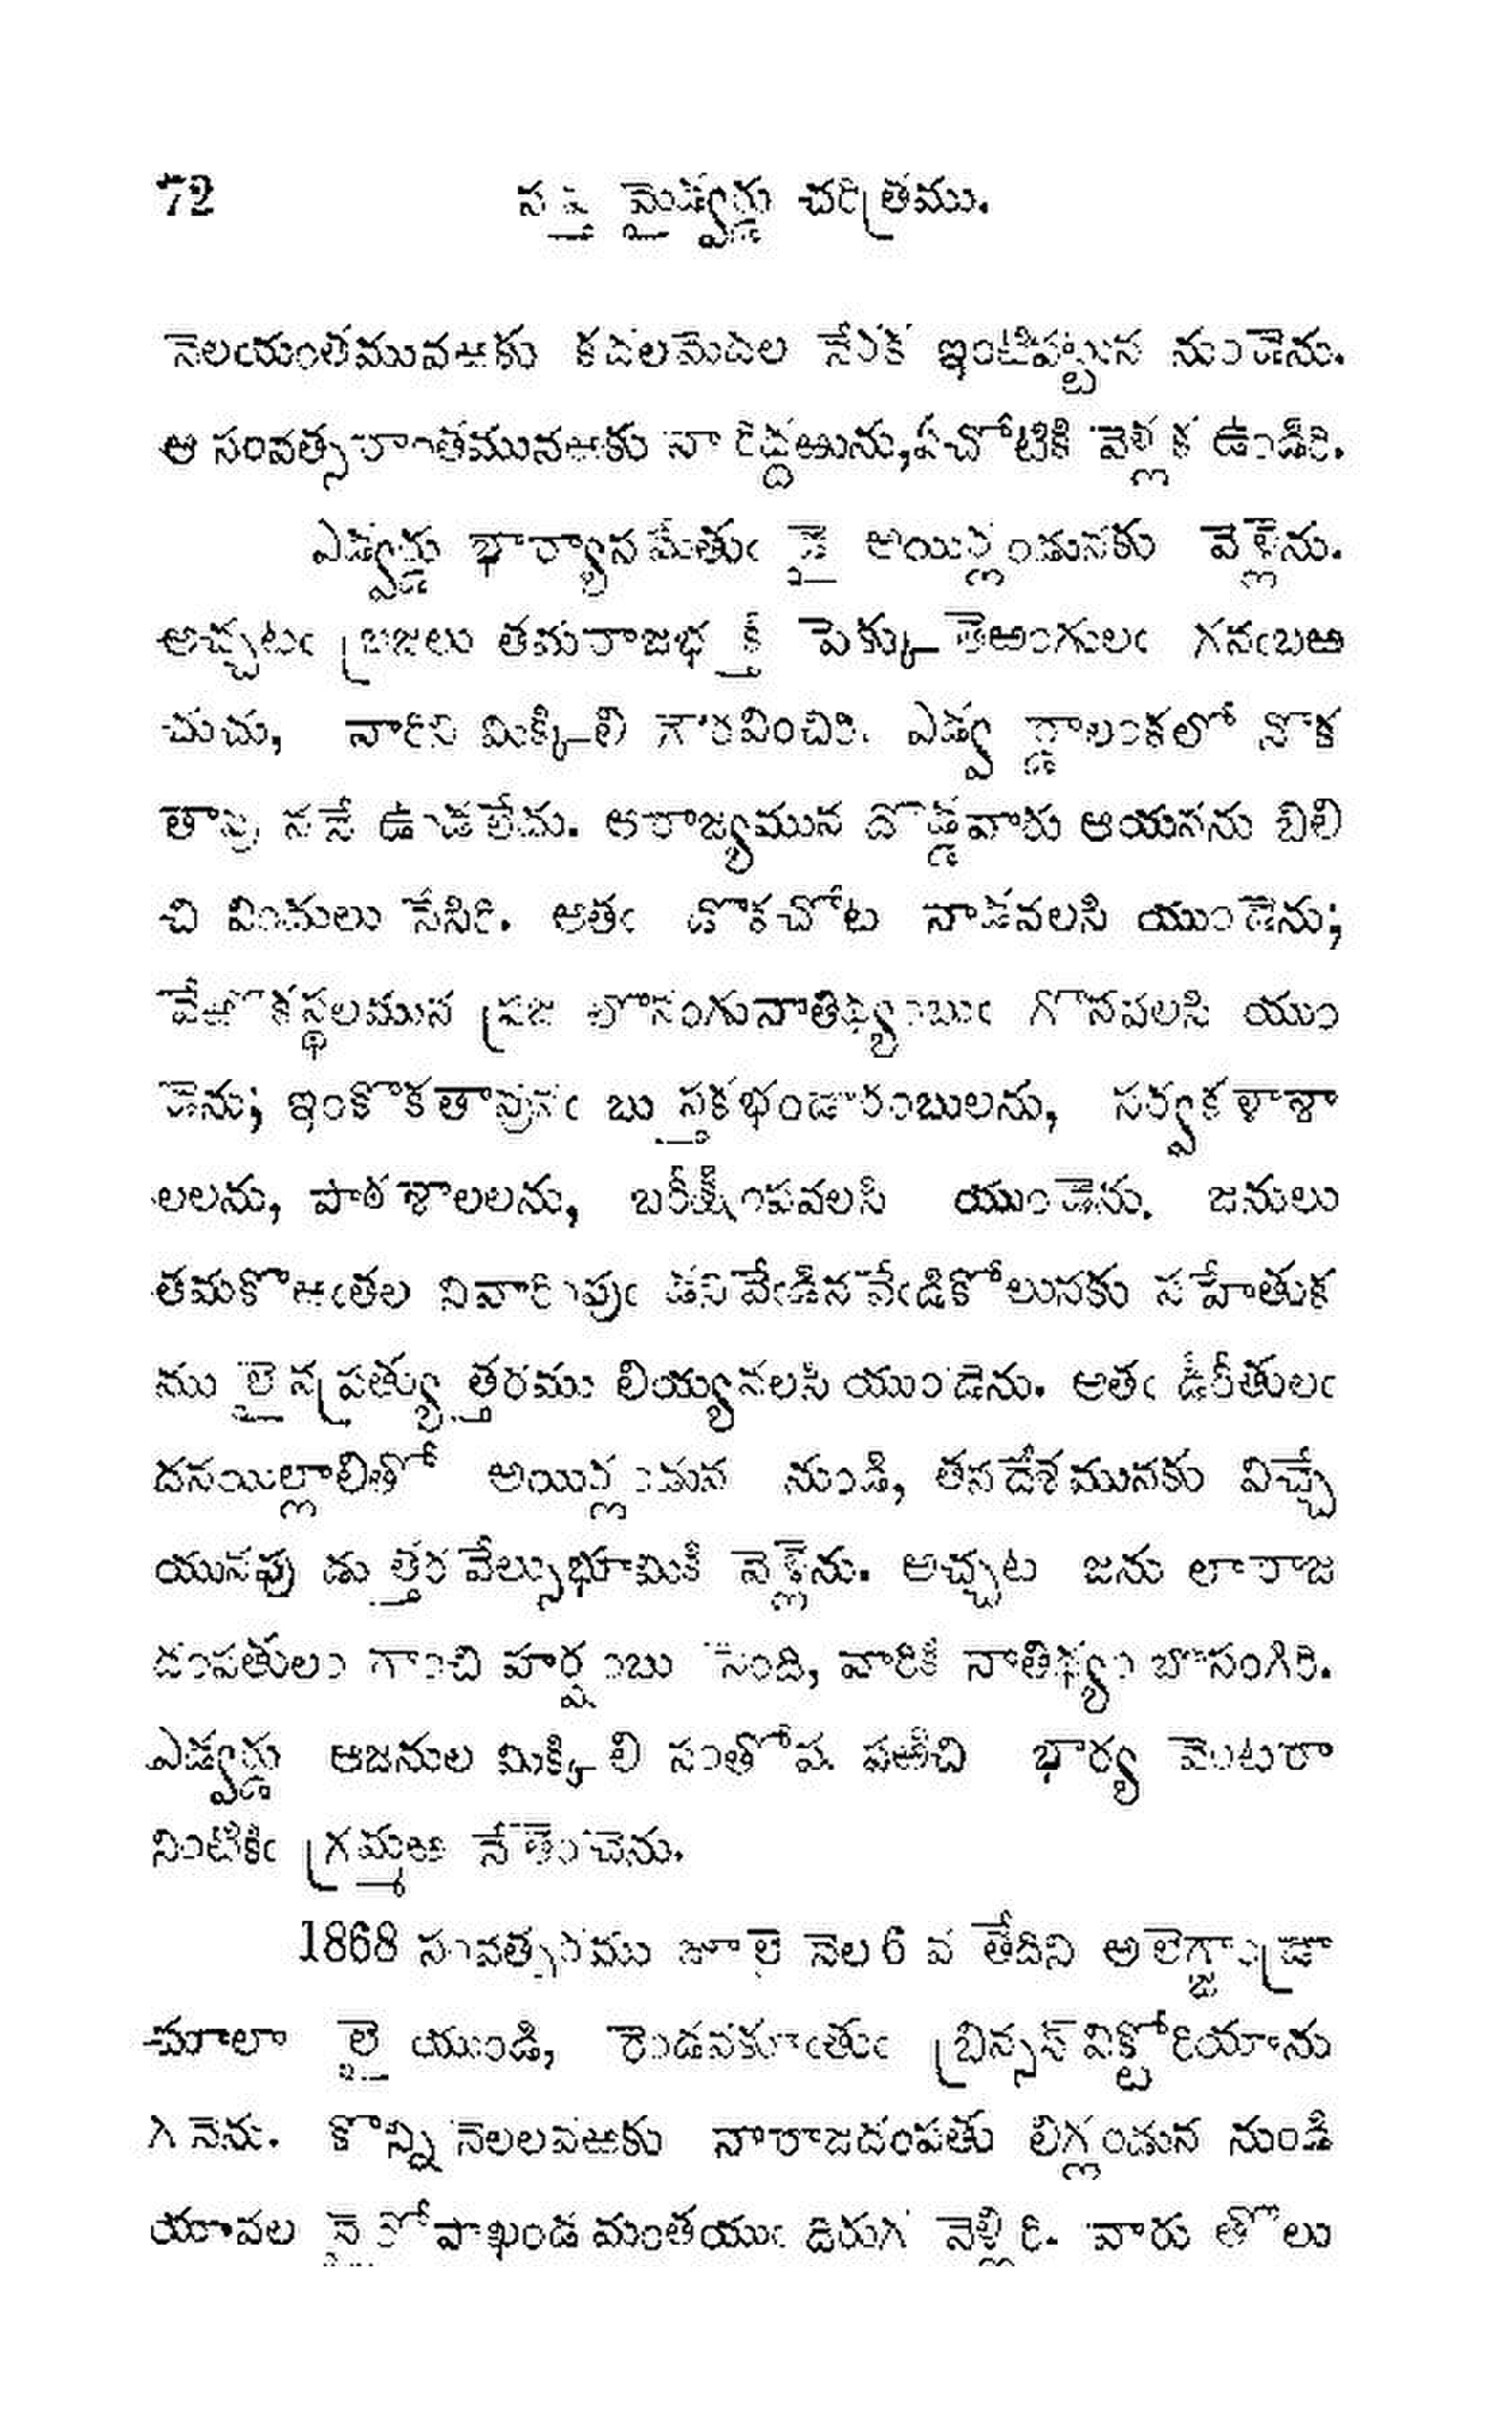నెలయంతమువకు కదలమెదల నేరక ఇంటిపట్టున నుండెను. ఆ సంవత్సరాంతము వరకును ఏ చోటికి వెళ్లక ఉండిరి.

ఎడ్వర్డు భార్యాసమేతుడై , అయిర్లండునకు వెళ్లెను. అచ్చట బ్రజలు తమరాజ భక్తి పెక్కు తెరంగుల గనఁబరచుచు, వారిని మిక్కిలి గౌరవించిరి. ఎడ్వర్డాలంకలో నొక
తావుననే ఉండలేదు.ఆ రాజ్యమున దొడ్డవారు ఆయసను బిలిచి విందులు సేసిరి. అతఁ డొకచోట నాగలసి యుండెను; వేరొక స్థలమున ప్రజ లోసంగు నాతిద్యమును గొనవలసి యుం
డెను; ఇంకొక తావున బుస్తక భండాగారంబులను , సర్వకళాశాలలను, పాఠశాలలను, బరీక్షింప పవలసి యుండెను. జనులుతమ కొఱతల నివారింపుడని వేడిన వేడికోలునకు సహేతుక
ము లైన ప్రత్యుత్తరము లియ్యవలసి యుం డెను. అతఁడీ రీతులుదనయిల్లాలితో అయిర్లండున నుండి, తన దేశమునకు విచ్చేయునపుడుత్తర వేల్సుభూమికి వెళ్లెను. అచ్చట జను లారాజు
దంపతులం గాంచి హర్ంబు నొంది, వారికి నాతిద్యం బొసంగిరి. ఎడ్వర్డు ఆజనుల మిక్కిలి సంతోష పరచి భార్య వెంటరా నింటికీ గ్రమ్మర నేతెంచెను.

1868 సంవత్సము జూలై నెల 6 వ తేదీని అలెగ్జాండ్రాచూలా లై యుండి, రెండవకూతు బ్రిన్సన్ విక్టోరియానుగనెను. కొన్ని నెలల వరకు రాజదంపతు లిగ్లండున నుండి యావల నైరోపాఖండ మంతయు: దిరగి వెళ్లిరి . వారు తొలు